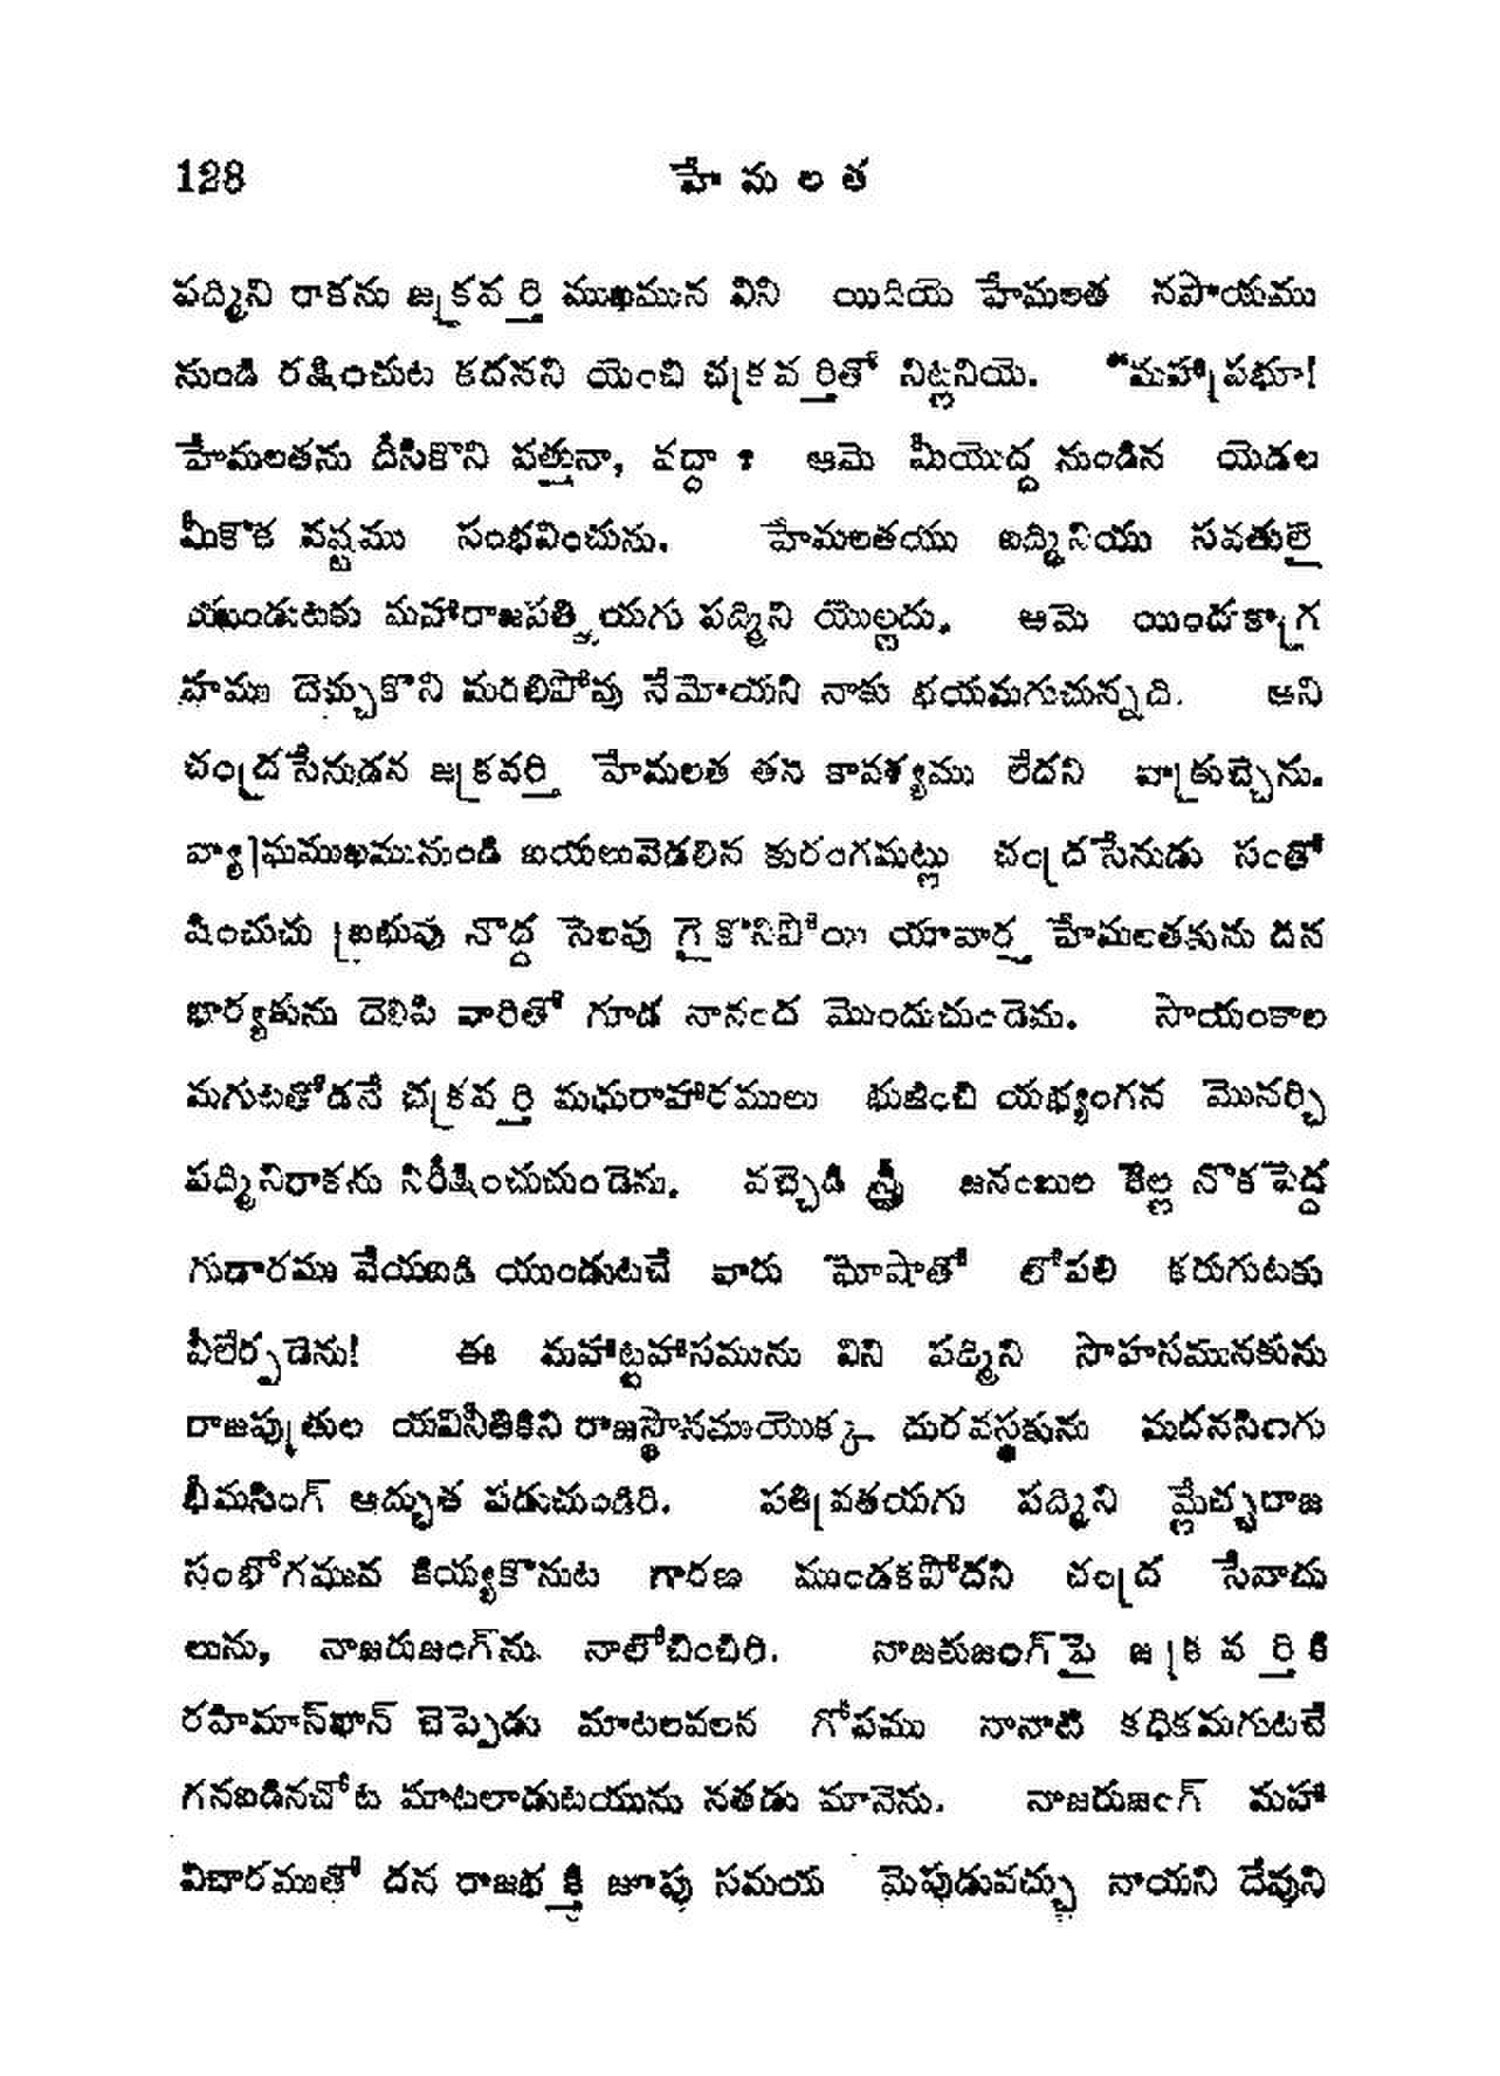పద్మిని రాకను జక్రవర్తి ముఖమున విని యిదియె హేమలత నపాయము నుండి రక్షించుట కదనని యెంచి చక్రవర్తితో నిట్లనియె. “మహాప్రభూ! హేమలతను దీసికొని వత్తునా, వద్దా? ఆమె మీయొద్ద నుండిన యెడల మీకొక నష్టము సంభవించును. హేమలతయు బద్మినియు సవతులై యుండుటకు మహారాజపత్నియగు పద్మిని యొల్లదు. ఆమె యిందు కాగ్రహము దెచ్చుకొని మరలిపోవు నేమోయని నాకు భయమగుచున్నది. అని చంద్రసేనుడన జక్రవర్తి హేమలత తన కావశ్యము లేదని వాక్రుచ్చెను. వ్యాఘ్రముఖమునుండి బయలువెడలిన కురంగమట్లు చంద్రసేనుడు సంతోషించుచు బ్రభువు నొద్ద సెలవు గైకొనిపోయి యవార్త హేమలతకును దన భార్యకును దెలిపి వారితో గూడ నానంద మొందుచుండెను. సాయంకాల మగుటతోడనే చక్రవర్తి మధురాహారములు భుజించి యభ్యంగన మొనర్చి పద్మినిరాకను నిరీక్షించుచుండెను. వచ్చెడి స్త్రీ జనంబుల కెల్ల నొకపెద్ద గుడారము వేయబడి యుండుటచే వారు ఘోషాతో లోపలి కరుగుటకు వీలేర్పడెను! ఈ మహాట్టహాసమును విని పద్మిని సాహసమునకును రాజపుత్రుల యవినీతికిని రాజస్థానముయొక్క దురవస్థకును మదనసింగు భీమసింగ్ అద్భుత పడుచుండిరి. పతివ్రతయగు పద్మిని మ్లేచ్ఛరాజ సంభోగమువ కియ్యకొనుట గారణ ముండకపోదని చంద్ర సేనాదులును, నాజరు జంగ్ ను నాలోచించిరి. నాజరుజంగ్ పై జక్రవర్తికి రహిమాన్ ఖాన్ చెప్పెడు మాటలవలన గోపము నానాటి కధికమగుటచే గనబడినచోట మాటలాడుటయును నతడు మానెను. నాజరుజంగ్ మహా విచారముతో దన రాజభక్తి జూపు సమయ మెపుడువచ్చు నాయని దేవుని